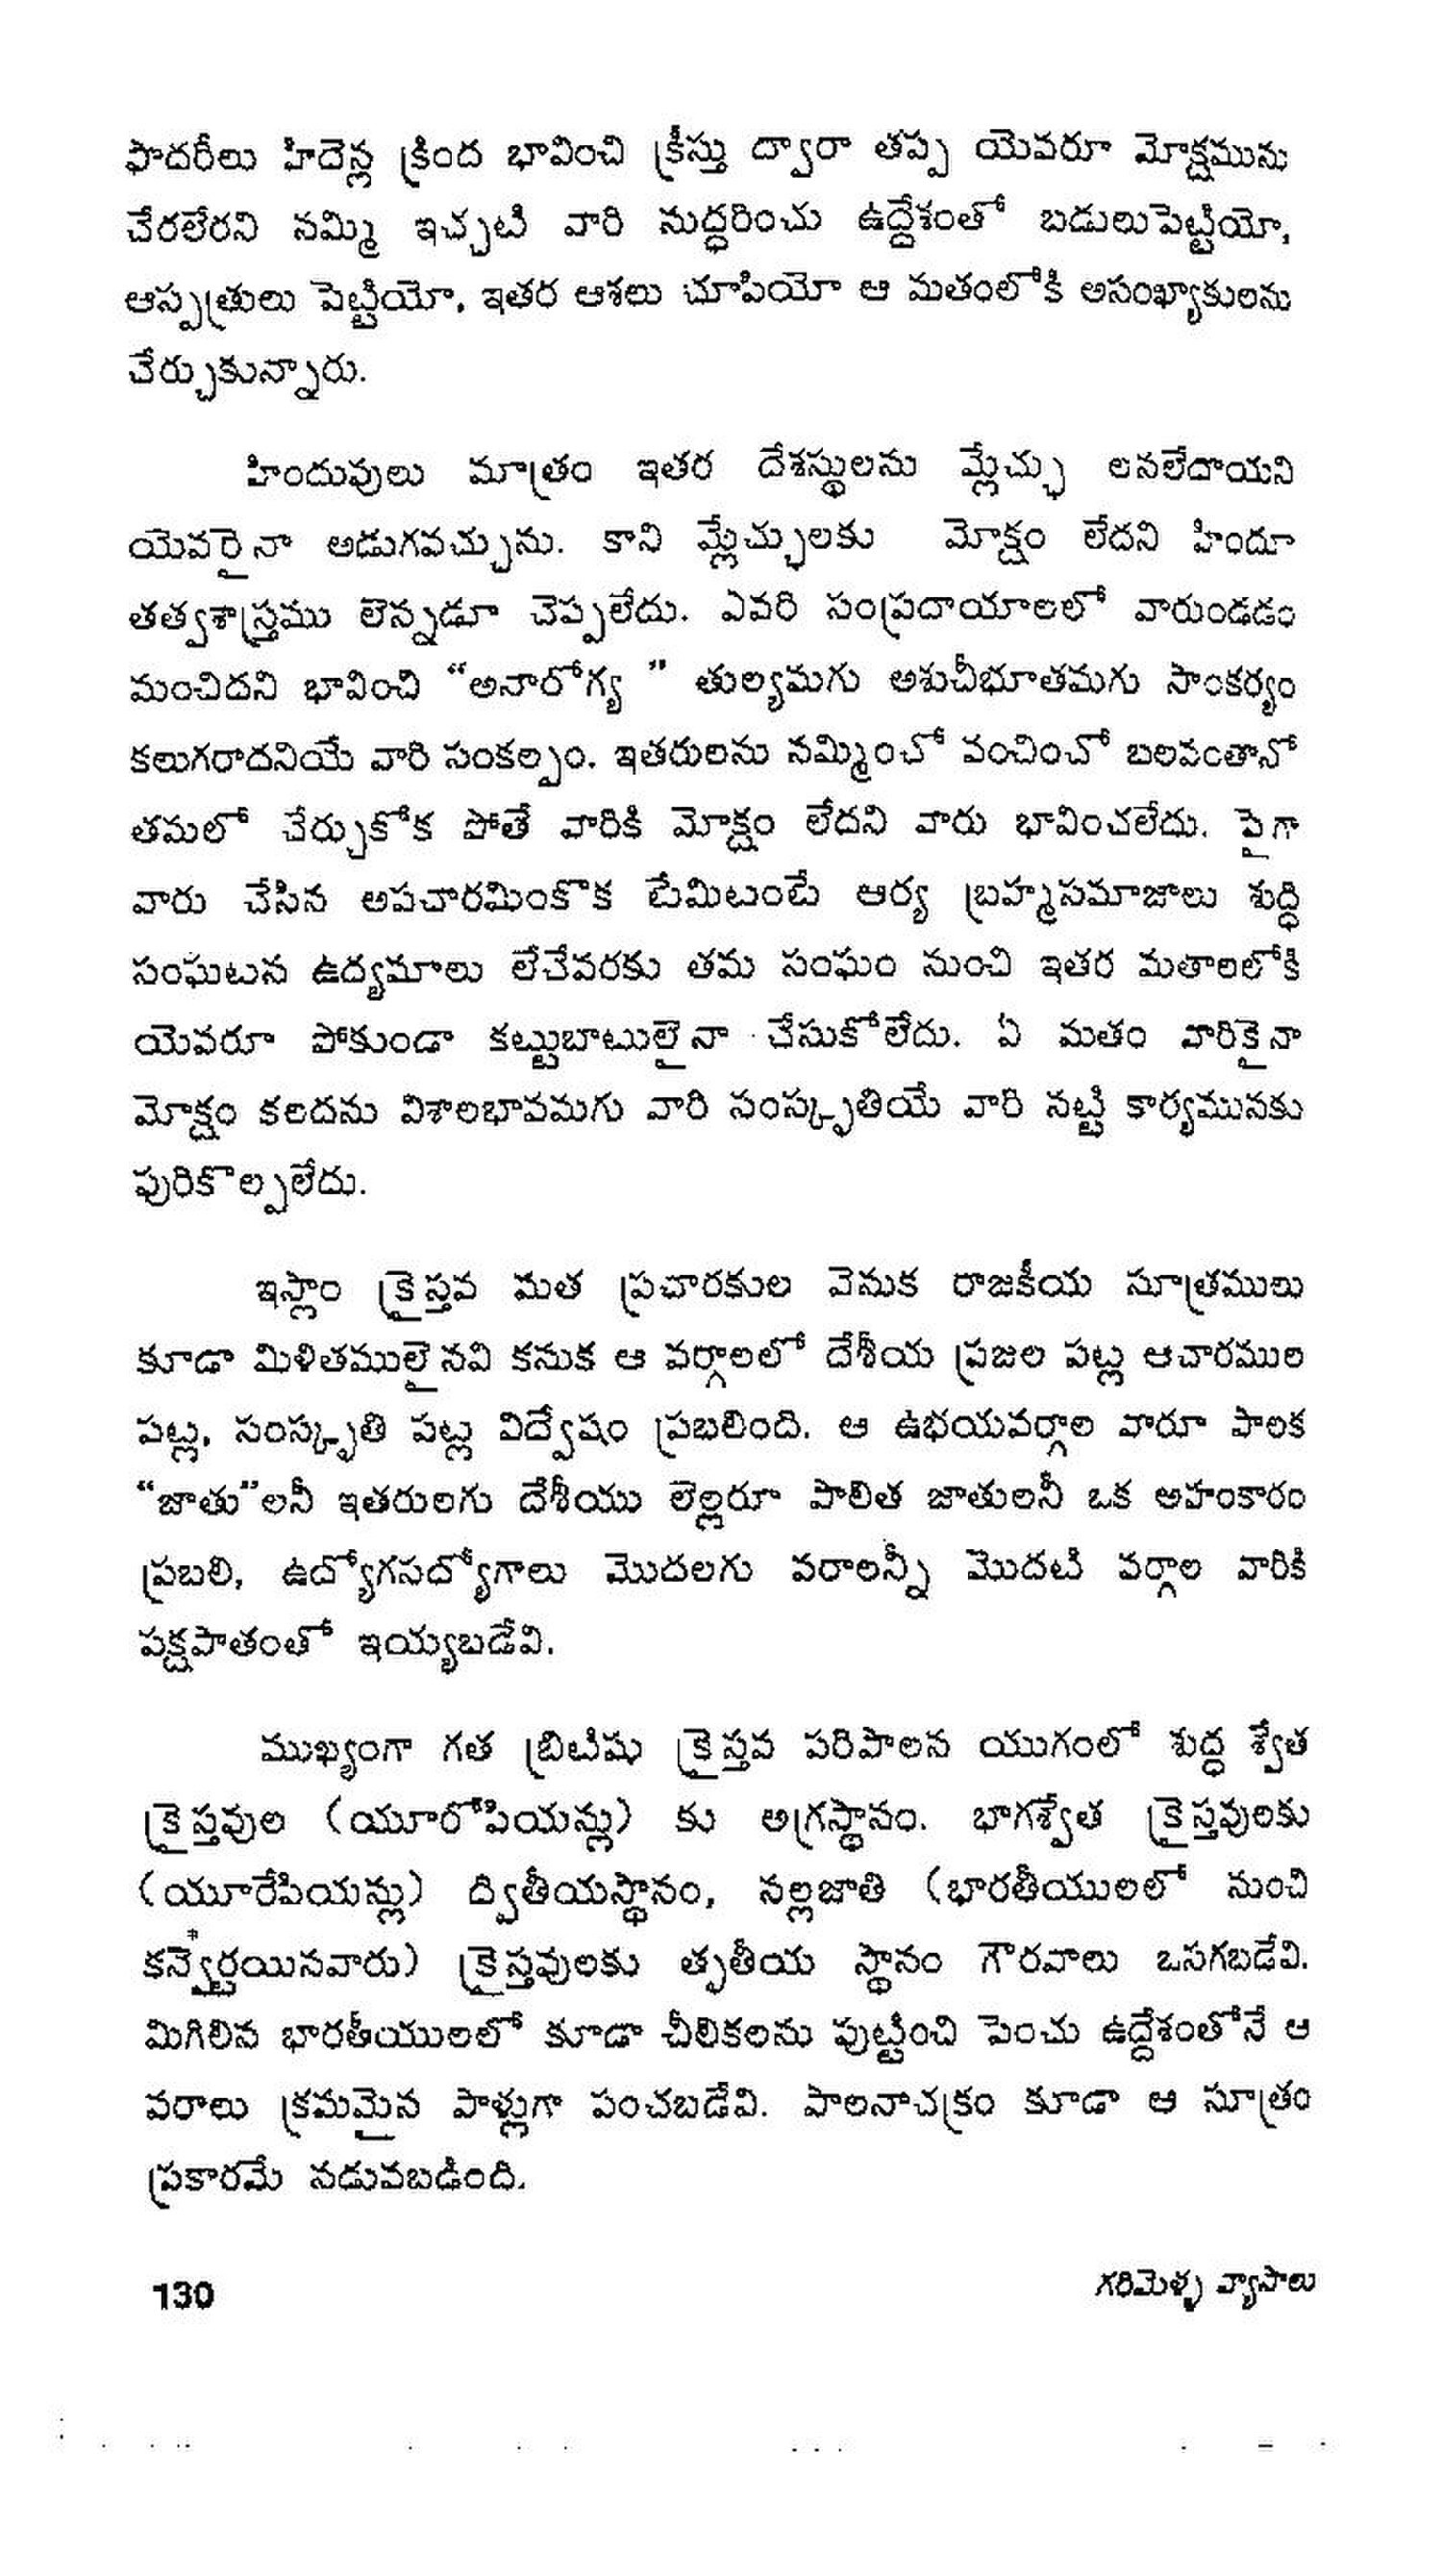ఫాదరీలు హిదెన్ల క్రింద భావించి క్రీస్తు ద్వారా తప్ప యెవరూ మోక్షమును చేరలేరని నమ్మి ఇచ్చటి వారి నుద్ధరించు ఉద్దేశంతో బడులుపెట్టియో, ఆస్పత్రులు పెట్టియో, ఇతర ఆశలు చూపియో ఆ మతంలోకి అసంఖ్యాకులను చేర్చుకున్నారు.

హిందువులు మాత్రం ఇతర దేశస్థులను మ్లేచ్ఛు లనలేదాయని యెవరైనా అడుగవచ్చును. కాని మ్లేచ్ఛులకు మోక్షం లేదని హిందూతత్వశాస్త్రము లెన్నడూ చెప్పలేదు. ఎవరి సంప్రదాయాలలో వారుండడం మంచిదని భావించి "అనారోగ్య" తుల్యమగు అశుచీభూతమగు సాంకర్యం కలుగరాదనియే వారి సంకల్పం. ఇతరులను నమ్మించో వంచించో బలవంతానో తమలో చేర్చుకోక పోతే వారికి మోక్షం లేదని వారు భావించలేదు. పైగ వారు చేసిన అపచారమింకొక టేమిటంటే ఆర్య బ్రహ్మసమాజాలు శుద్ధి సంఘటన ఉద్యమాలు లేచేవరకు తమ సంఘం నుంచి ఇతర మతాలలోకి యెవరూ పోకుండా కట్టుబాటులైనా చేసుకోలేదు. ఏ మతం వారికైనా మోక్షం కలదను విశాలభావమగు వారి సంస్కృతియే వారి నట్టి కార్యమునకు పురికొల్పలేదు.

ఇస్లాం క్రైస్తవ మత ప్రచారకుల వెనుక రాజకీయ సూత్రములు కూడా మిళితములైనవి కనుక ఆ వర్గాలలో దేశీయ ప్రజల పట్ల ఆచారముల పట్ల, సంస్కృతి పట్ల విద్వేషం ప్రబలింది. ఆ ఉభయవర్గాల వారూ పాలక "జాతు"లనీ ఇతరులగు దేశీయు లెల్లరూ పాలిత జాతులనీ ఒక అహంకారం ప్రబలి, ఉద్యోగసద్యోగాలు మొదలగు వరాలన్నీ మొదటి వర్గాల వారికి పక్షపాతంతో ఇయ్యబడేవి.

ముఖ్యంగా గత భ్రిటిషు క్రైస్తవ పరిపాలన యుగంలో శుద్ధ శ్వేత క్రైస్తవుల (యూరోపియన్లు) కు అగ్రస్థానం. భాగశ్వేత క్రైస్తవులకు (యూరోపియన్లు) ద్వితీయస్థానం, నల్లజాతి (భారతీయులలో నుంచి కన్వెర్టయినవారు) క్రైస్తవులకు తృతీయ స్థానం గౌరవాలు ఒసగబడేవి. మిగిలిన బారతీయులలో కూడా చీలికలను పుట్టించి పెంచు ఉద్దేశంతోనే ఆ వరాలు క్రమమైన పాళ్లుగా పంచబడేవి. పాలనాచక్రం కూడా ఆ సూత్రం ప్రకారమే నడువబడింది.